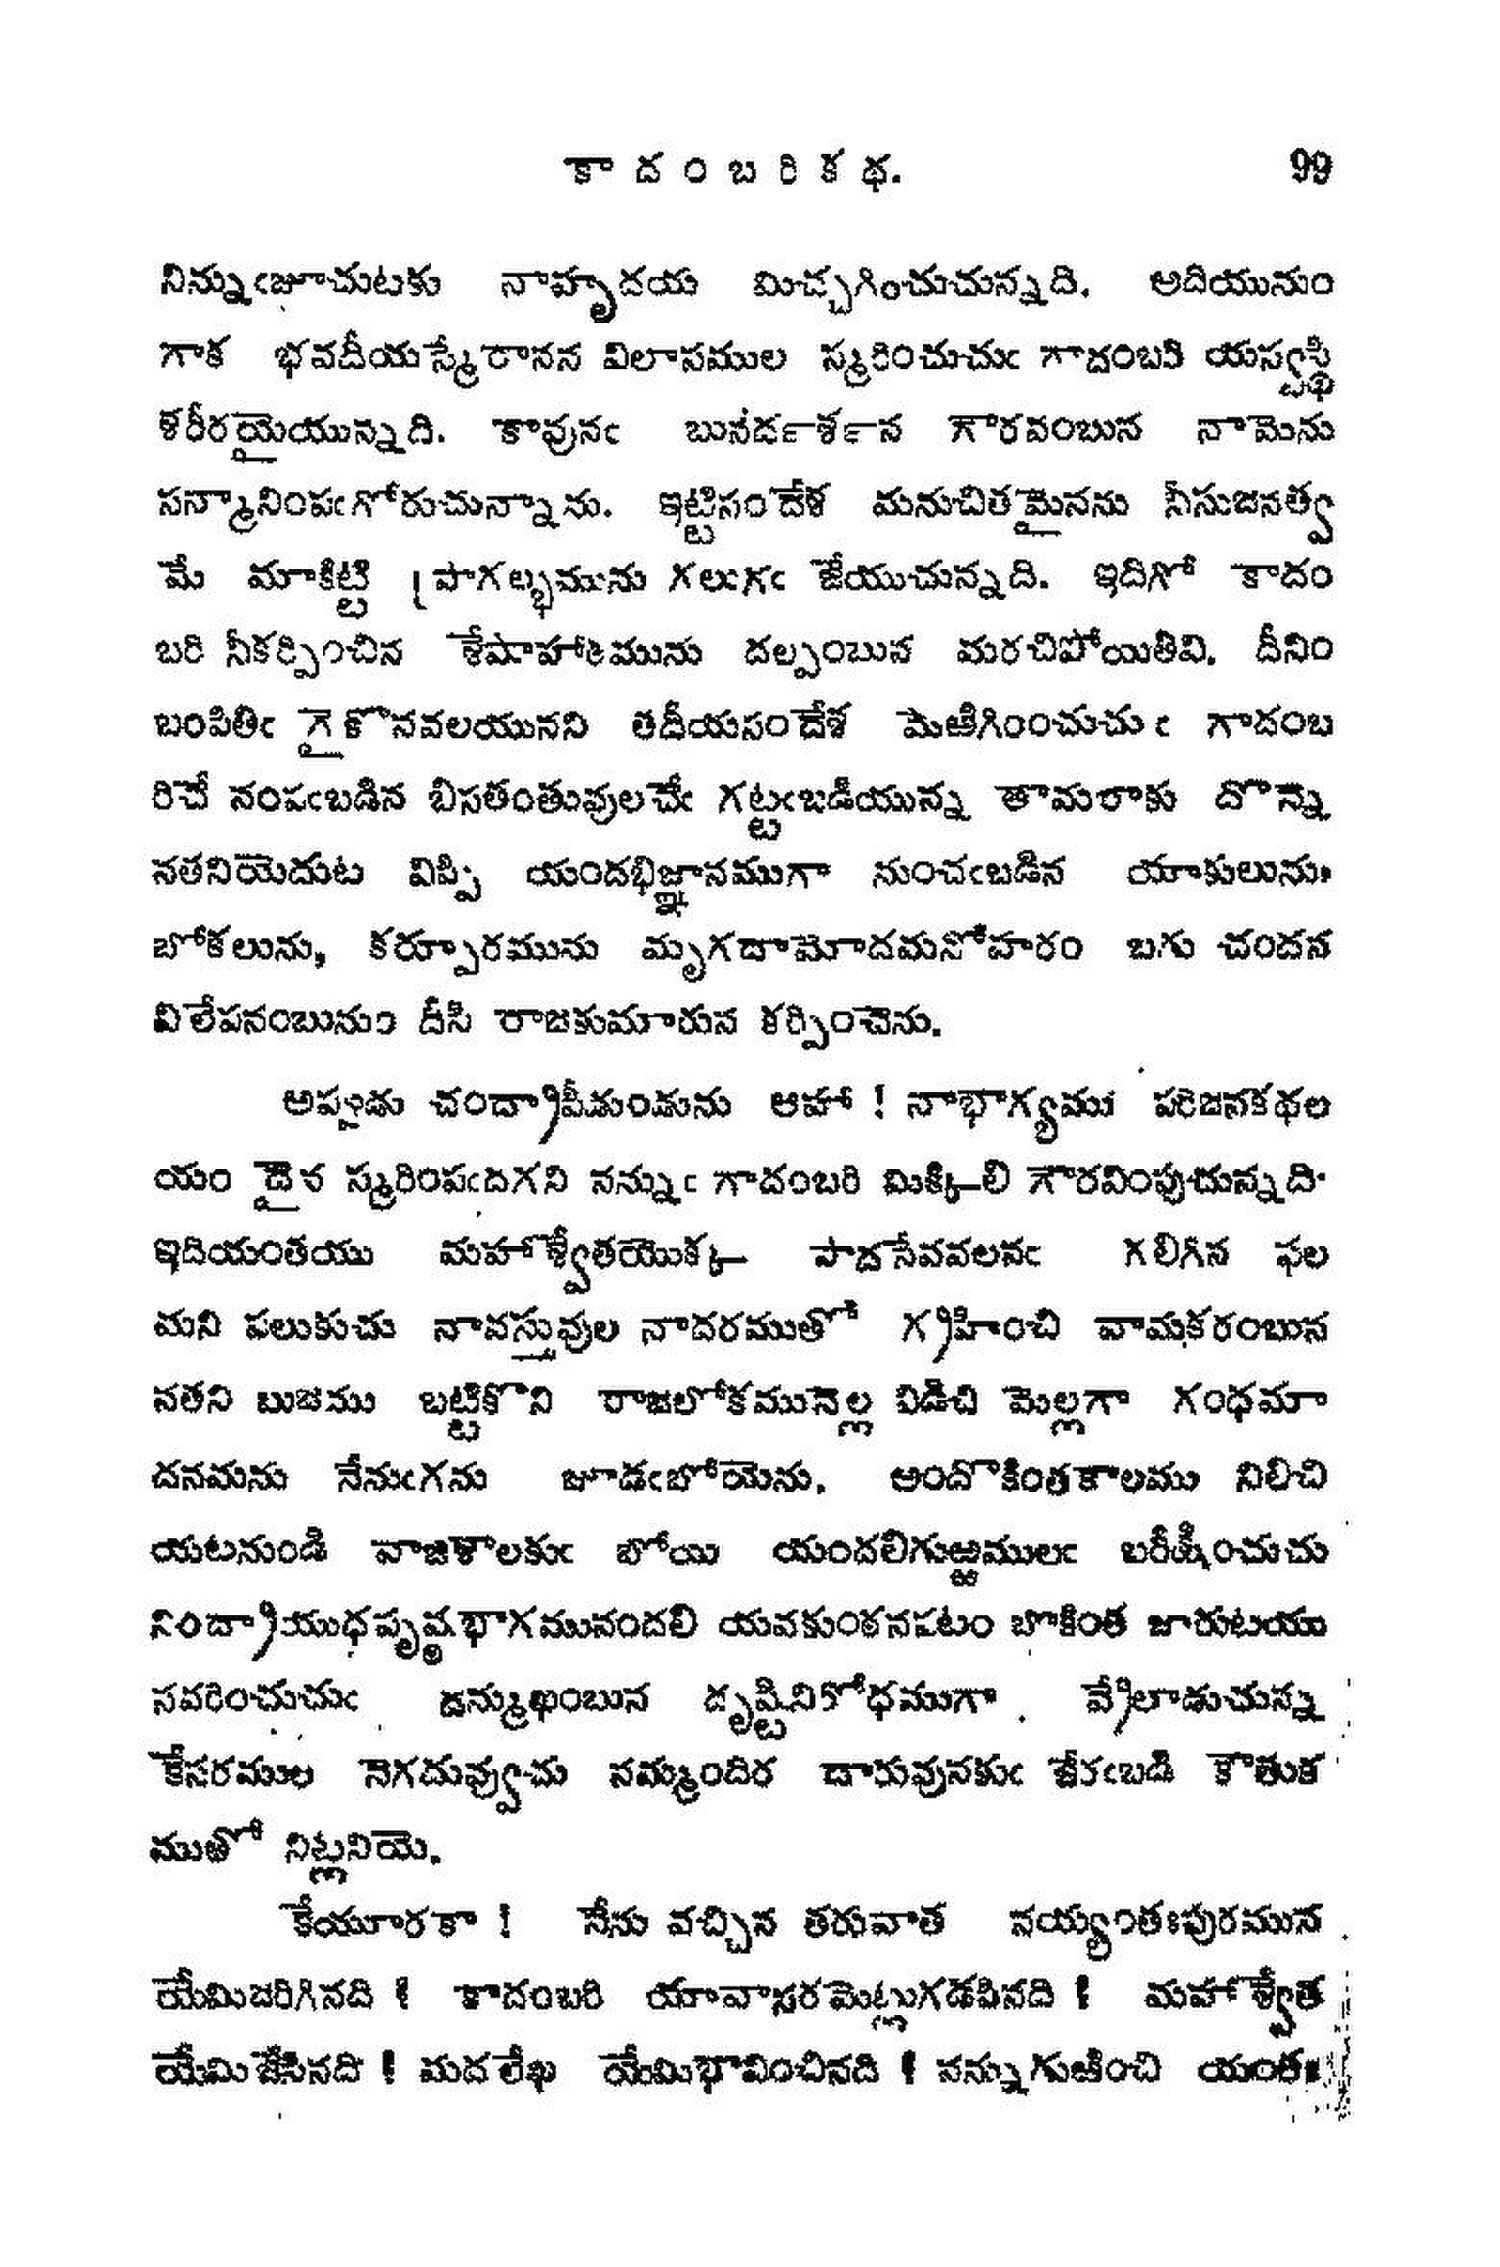నిన్నుఁజూచుటకు నాహృదయ మిచ్చగించుచున్నది. అదియునుం గాక భవదీయస్మేరానన విలాసముల స్మరించుచుఁ గాదంబరి యస్వస్థి శరీరయైయున్నది. కావునఁ బునద౯శ౯న గౌరవంబున నామెను సన్మానింపఁగోరుచున్నాను. ఇట్టిసందేశ మనుచితమైనను నీసుజనత్వమే మాకిట్టి ప్రాగల్భమును గలుగఁ జేయుచున్నది. ఇదిగో కాదంబరి నీకర్పించిన శేషాహారమును దల్పంబున మరచిపోయితివి. దీనిం బంపితిఁ గైకొనవలయునని తదీయసందేశ మెఱిగించుచుఁ గాదంబరిచే నంపఁబడిన బిసతంతువులచేఁ గట్టఁబడియున్న తామరాకు దొన్నె నతనియెదుట విప్పి యందభిజ్ఞానముగా నుంచఁబడిన యాకులును, బోకలును, కర్పూరమును మృగదామోద మనోహరం బగు చందన విలేపనంబునుం దీసి రాజకుమారున కర్పించెను.

అప్పుడు చంద్రాపీడుండును ఆహా! నాభాగ్యము పరిజనకథల యం దైన స్మరింపఁదగని నన్నుఁ గాదంబరి మిక్కిలి గౌరవింపుచున్నది. ఇదియంతయు మహాశ్వేతయొక్క పాదసేవవలనఁ గలిగిన ఫలమని పలుకుచు నావస్తువుల నాదరముతో గ్రహించి వామకరంబున నతని బుజము బట్టికొని రాజలోకమునెల్ల విడిచి మెల్లగా గంధమాదనమను నేనుఁగను జూడఁబోయెను. అందొకింతకాలము నిలిచి యటనుండి వాజశాలకుఁ బోయి యందలిగుఱ్ఱములు బరీక్షించుచు నింద్రాయుధపృష్ఠభాగమునందలి యవకుంఠనపటం బొకింత జారుటయు సవరించుచుఁ దన్ముఖంబున దృష్టినిరోధముగా వ్రేలాడుచున్న కేసరముల నెగదువ్వుచు నమ్మందిర దారువునకుఁ జేరఁబడి కౌతుకముతో నిట్లనియె.

కేయూరకా! నేను వచ్చిన తరువాత నయ్యంతఃపురమున యేమిజరిగినది? కాదంబరి యావాసరమెట్లుగడపినది? మహాశ్వేత యేమిజేసినది? మదలేఖ యేమిభావించినది? నన్నుగుఱించి యంతః